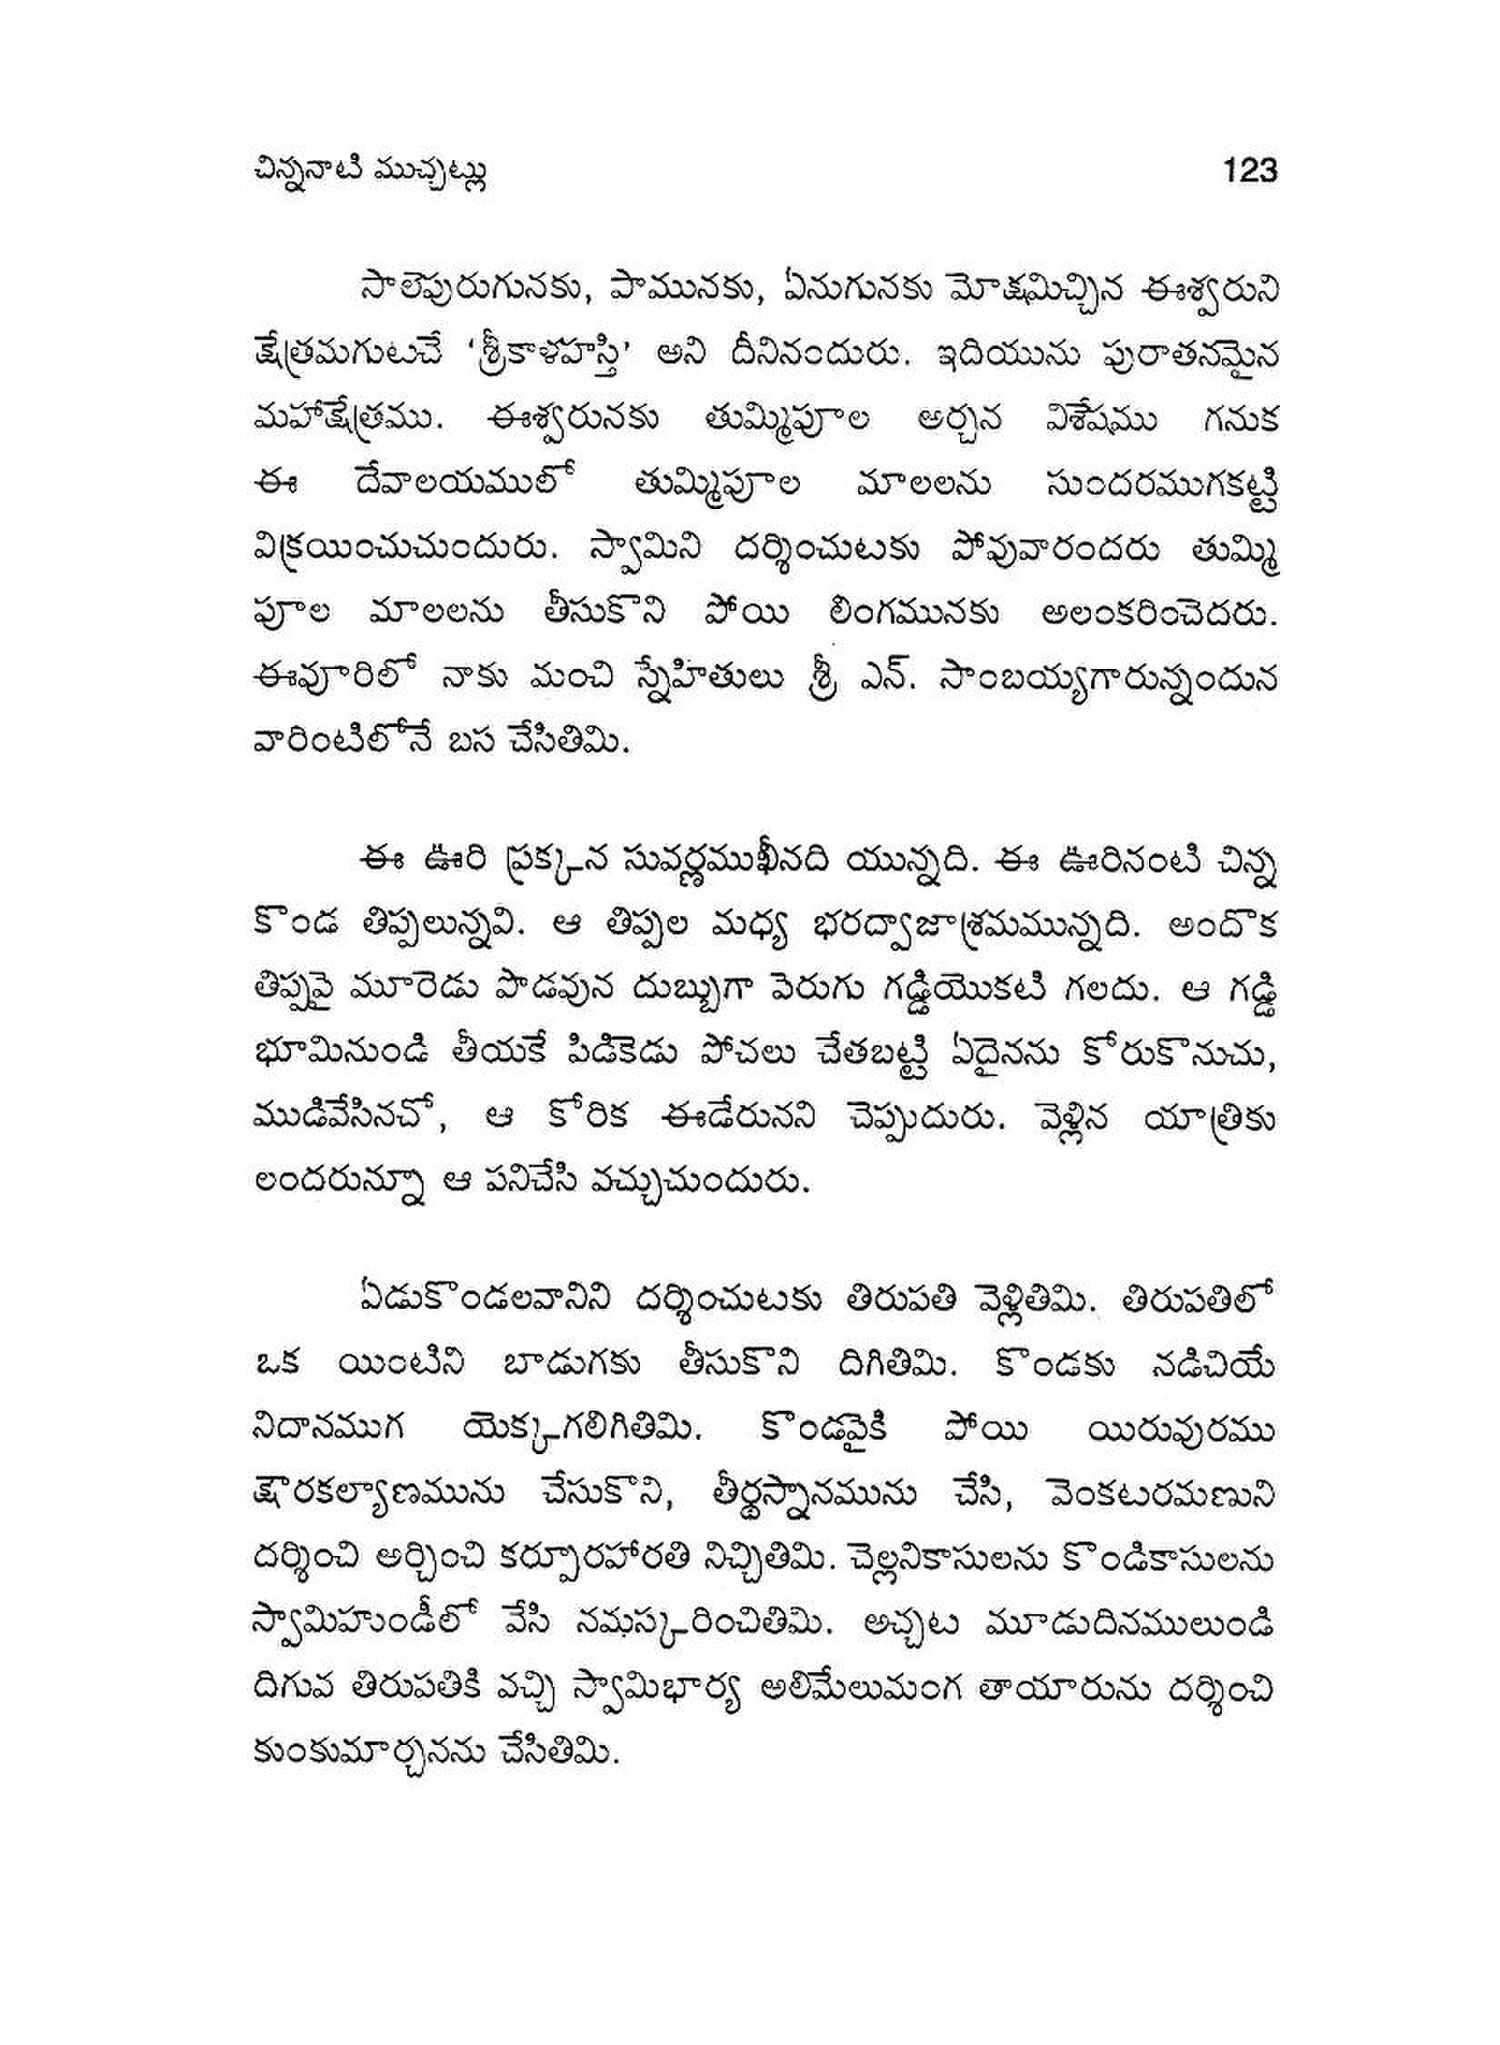సాలెపురుగునకు, పామునకు, ఏనుగునకు మోక్షమిచ్చిన ఈశ్వరుని క్షేత్రమగుటచే "శ్రీకాళహస్తి" అని దీనినందురు. ఇదియును పురాతనమైన మహాక్షేత్రము. ఈశ్వరునకు తుమ్మిపూల అర్చన విశేషము గనుక ఈ దేవాలయములో తుమ్మిపూల మాలలను సుందరముగకట్టి విక్రయించుచుందురు. స్వామిని దర్శించుటకు పోవువారందరు తుమ్మి పూల మాలలను తీసుకొని పోయి లింగమునకు అలంకరించెదరు. ఈవూరిలో నాకు మంచి స్నేహితులు శ్రీ ఎన్. సాంబయ్యగారున్నందున వారింటిలోనే బస చేసితిమి.

ఈ ఊరి ప్రక్కన సువర్ణముఖీనది యున్నది. ఈ ఊరినంటి చిన్న కొండ తిప్పలున్నవి. ఆ తిప్పల మధ్య భరద్వాజాశ్రమమున్నది. అందొక తిప్పపై మూరెడు పొడవున దుబ్బుగా పెరుగు గడ్డియొకటి గలదు. ఆ గడ్డి భూమినుండి తీయకే పిడికెడు పోచలు చేతబట్టి ఏదైనను కోరుకొనుచు, ముడివేసినచో, ఆ కోరిక ఈడేరునని చెప్పదురు. వెళ్లిన యాత్రికులందరున్నూ ఆ పనిచేసి వచ్చుచుందురు.

ఏడుకొండలవానిని దర్శించుటకు తిరుపతి వెళ్లితిమి. తిరుపతిలో ఒక యింటిని బాడుగకు తీసుకొని దిగితిమి. కొండకు నడిచియే నిదానముగ యొక్కగలిగితిమి. కొండపైకి పోయి యిరువురము క్షౌరకల్యాణమును చేసుకొని, తీర్థస్నానమును చేసి, వెంకటరమణుని దర్శించి అర్చించి కర్పూరహారతి నిచ్చితిమి. చెల్లనికాసులను కొండికాసులను స్వామిహుండీలో వేసి నమస్కరించితిమి. అచ్చట మూడుదినములుండి దిగువ తిరుపతికి వచ్చి స్వామిభార్య అలిమేలుమంగ తాయారును దర్శించి కుంకుమార్చనను చేసితిమి.